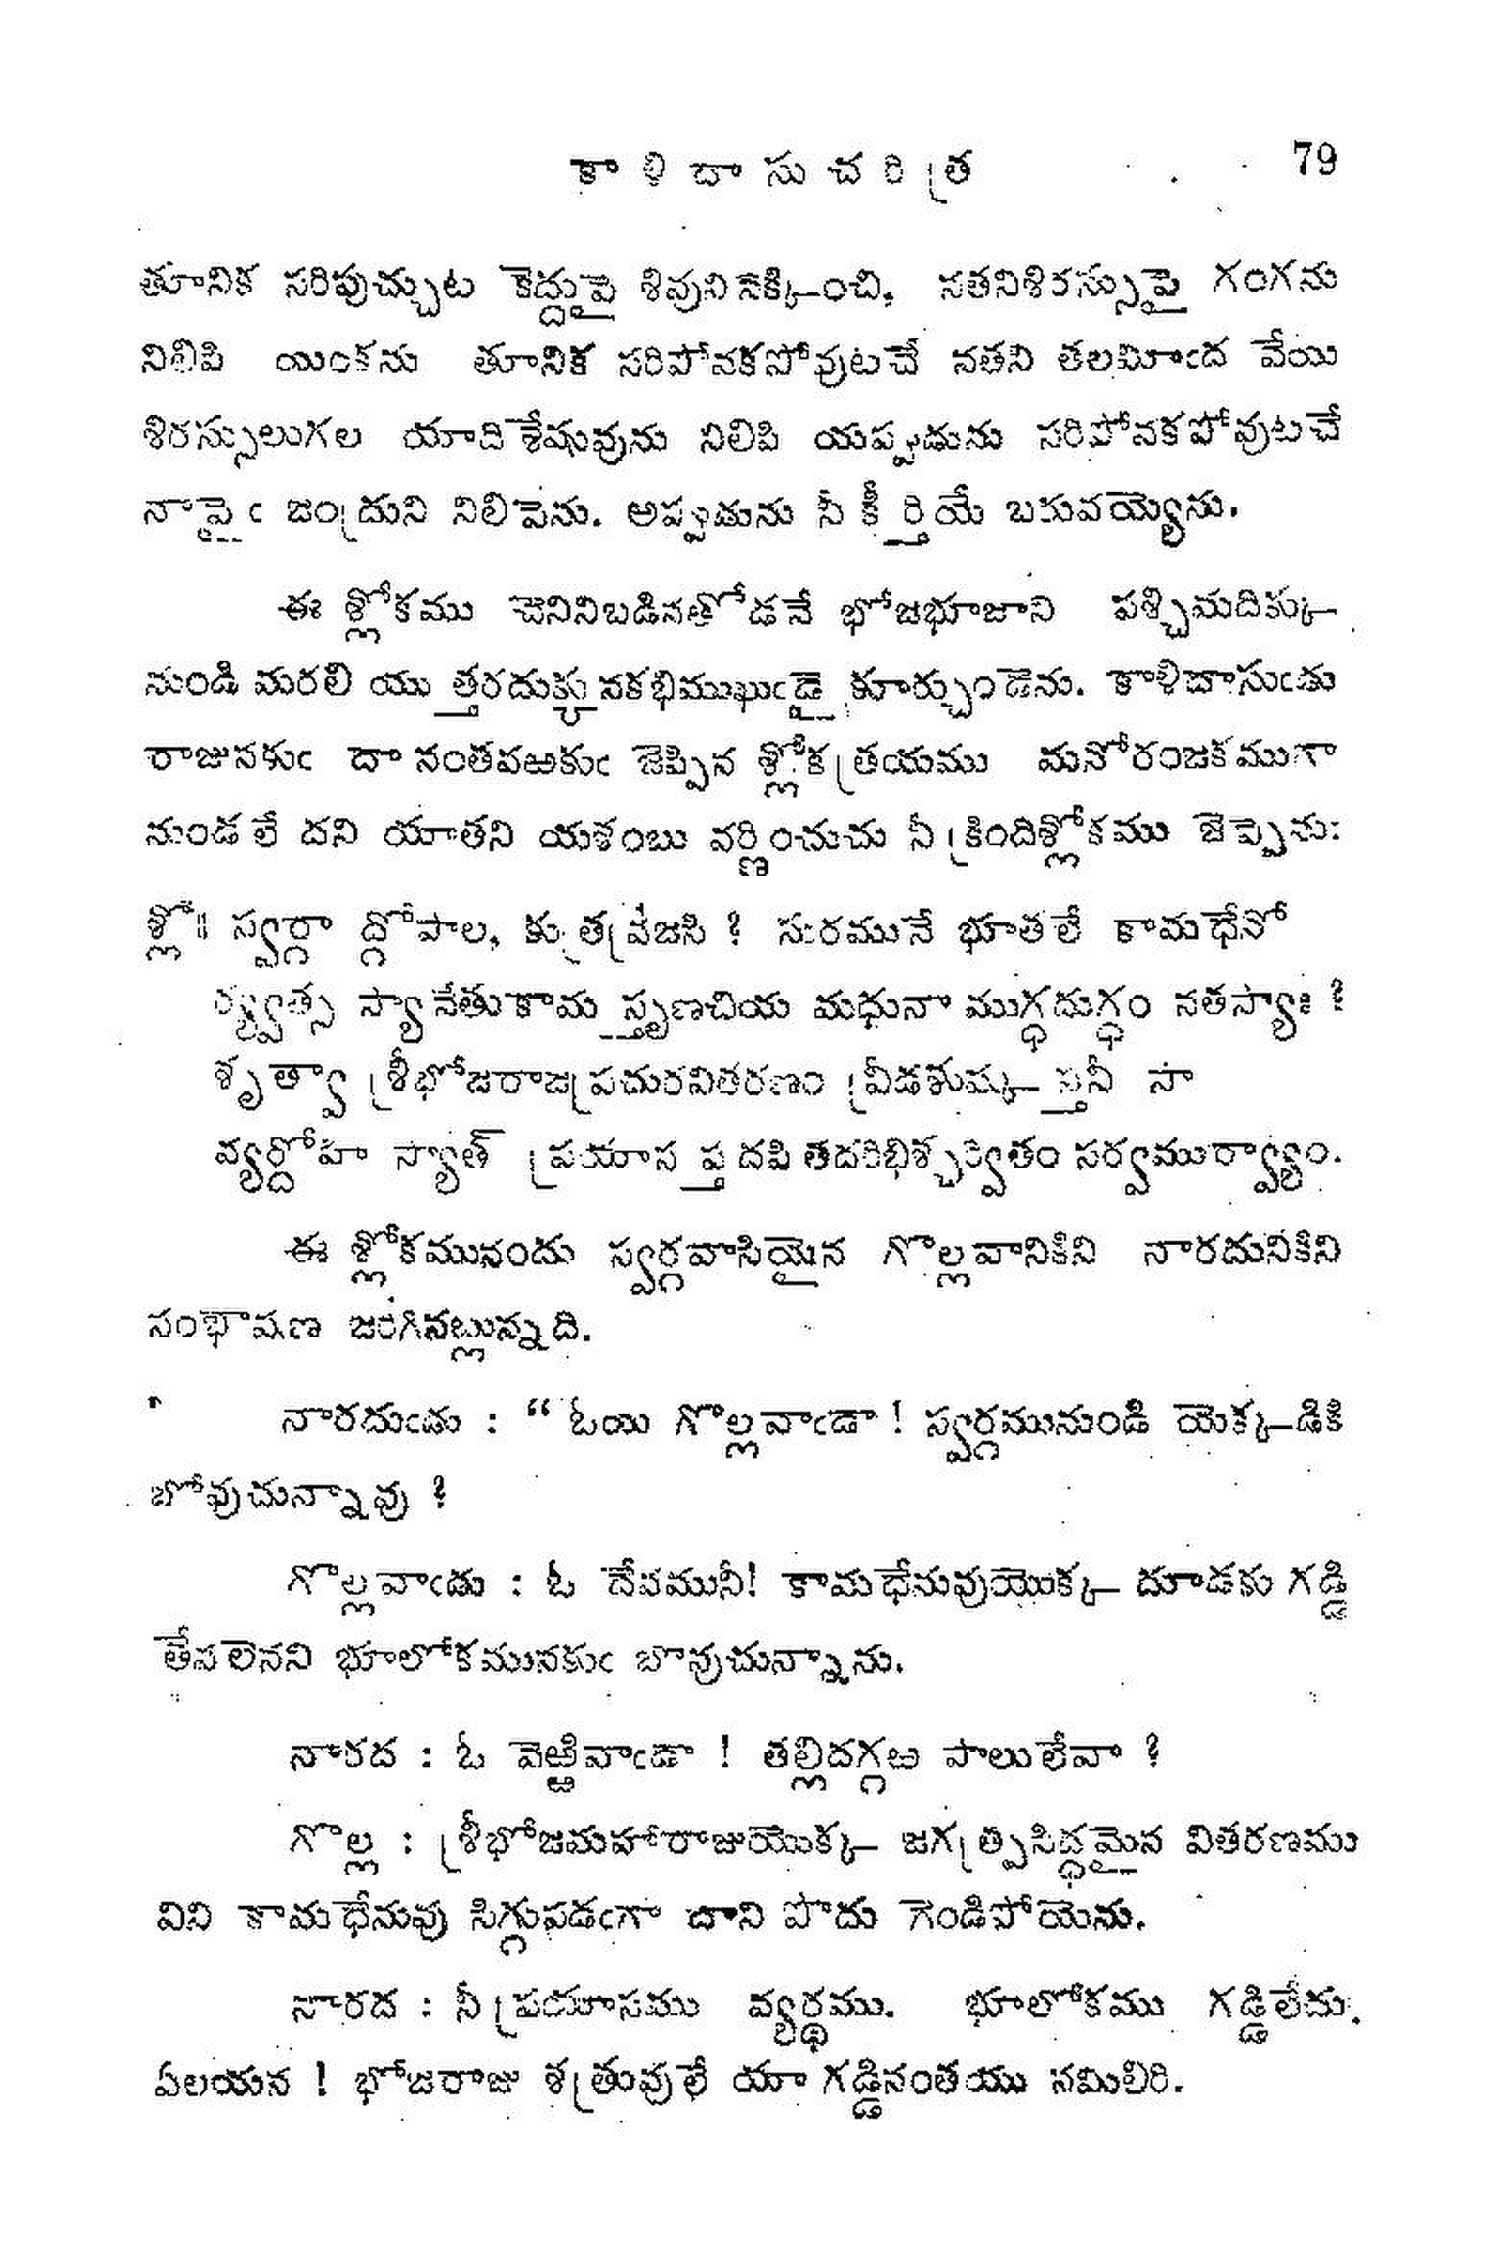తూనిక సరిపుచ్చుట కెద్దుపైశివునెక్కించి, నతనిశిరస్సుపై గంగను నిలిపి యింకను తూనిక సరిపోవుటచే నాపై జంద్రుని నిలిపెను. అప్పుడు నీకీర్తియే బరువయ్యెను. 

 ఈ శ్లోకము చెవినిబడినతోడనే భోజభూజాని పశ్చిమదిక్కునుండి మరలి యుత్తరదిక్కునకభిముఖుడై కూర్చుమడెను. కాళిదాసుడు రాజునకుదానంతవఱకు జెప్పిన శ్లోకత్రయము మనోరంజకముగా నుండలేదనీ యాతని యశంబు వర్ణించుచు నీక్రిందిశ్లోకము జెప్పెను.

శ్లో॥స్వర్గా ద్గోపాల, కుత్రనీజసి! సురమునే భూత కామధేనో
 ర్య్వత్స ప్యానేతుకామస్తృణచియు మధునాముగ్ధదుగ్ధం నతస్యా:! 
 శృత్వా శ్రీభోజరాజప్రచురవితరణం వ్రీడశుష్కస్తనీ సా
 వ్యర్దోహి న్యాత్ ప్రయాసప్తదపి తదరిభిశ్చర్వితం సర్వముర్య్వాం 

 ఈశ్లోకమునందు స్వర్గవాసియైన గొల్లవానికిని నారదునికిని సభాషణ జరిగినట్లిన్నది.

 గొల్లవాడు: ఓ దేవమునీ! కామధేనువుయొక్క దూడకు గడ్డి తేవలెనని భూలోకమునకు బోవుచున్నాను.

 నారద: ఓ వెఱ్ఱివాడా! తల్లిదగ్గఱ పాలులేవా! 

 గొల్ల: శ్రీభోజమహారాజుయొక్క జగత్ప్రసిద్దమైన వితరణమువిని కామధేనువు సిగ్గుపడగా దాని పొదుఘెండిపోయెను.

 నారద: నీప్రయాసము వ్యర్ధము. భూలోకము గడ్డిలేదు. ఏలయన! భోజరాజు శత్రువులచే యాగడ్డినంతయు నమిలిరి.